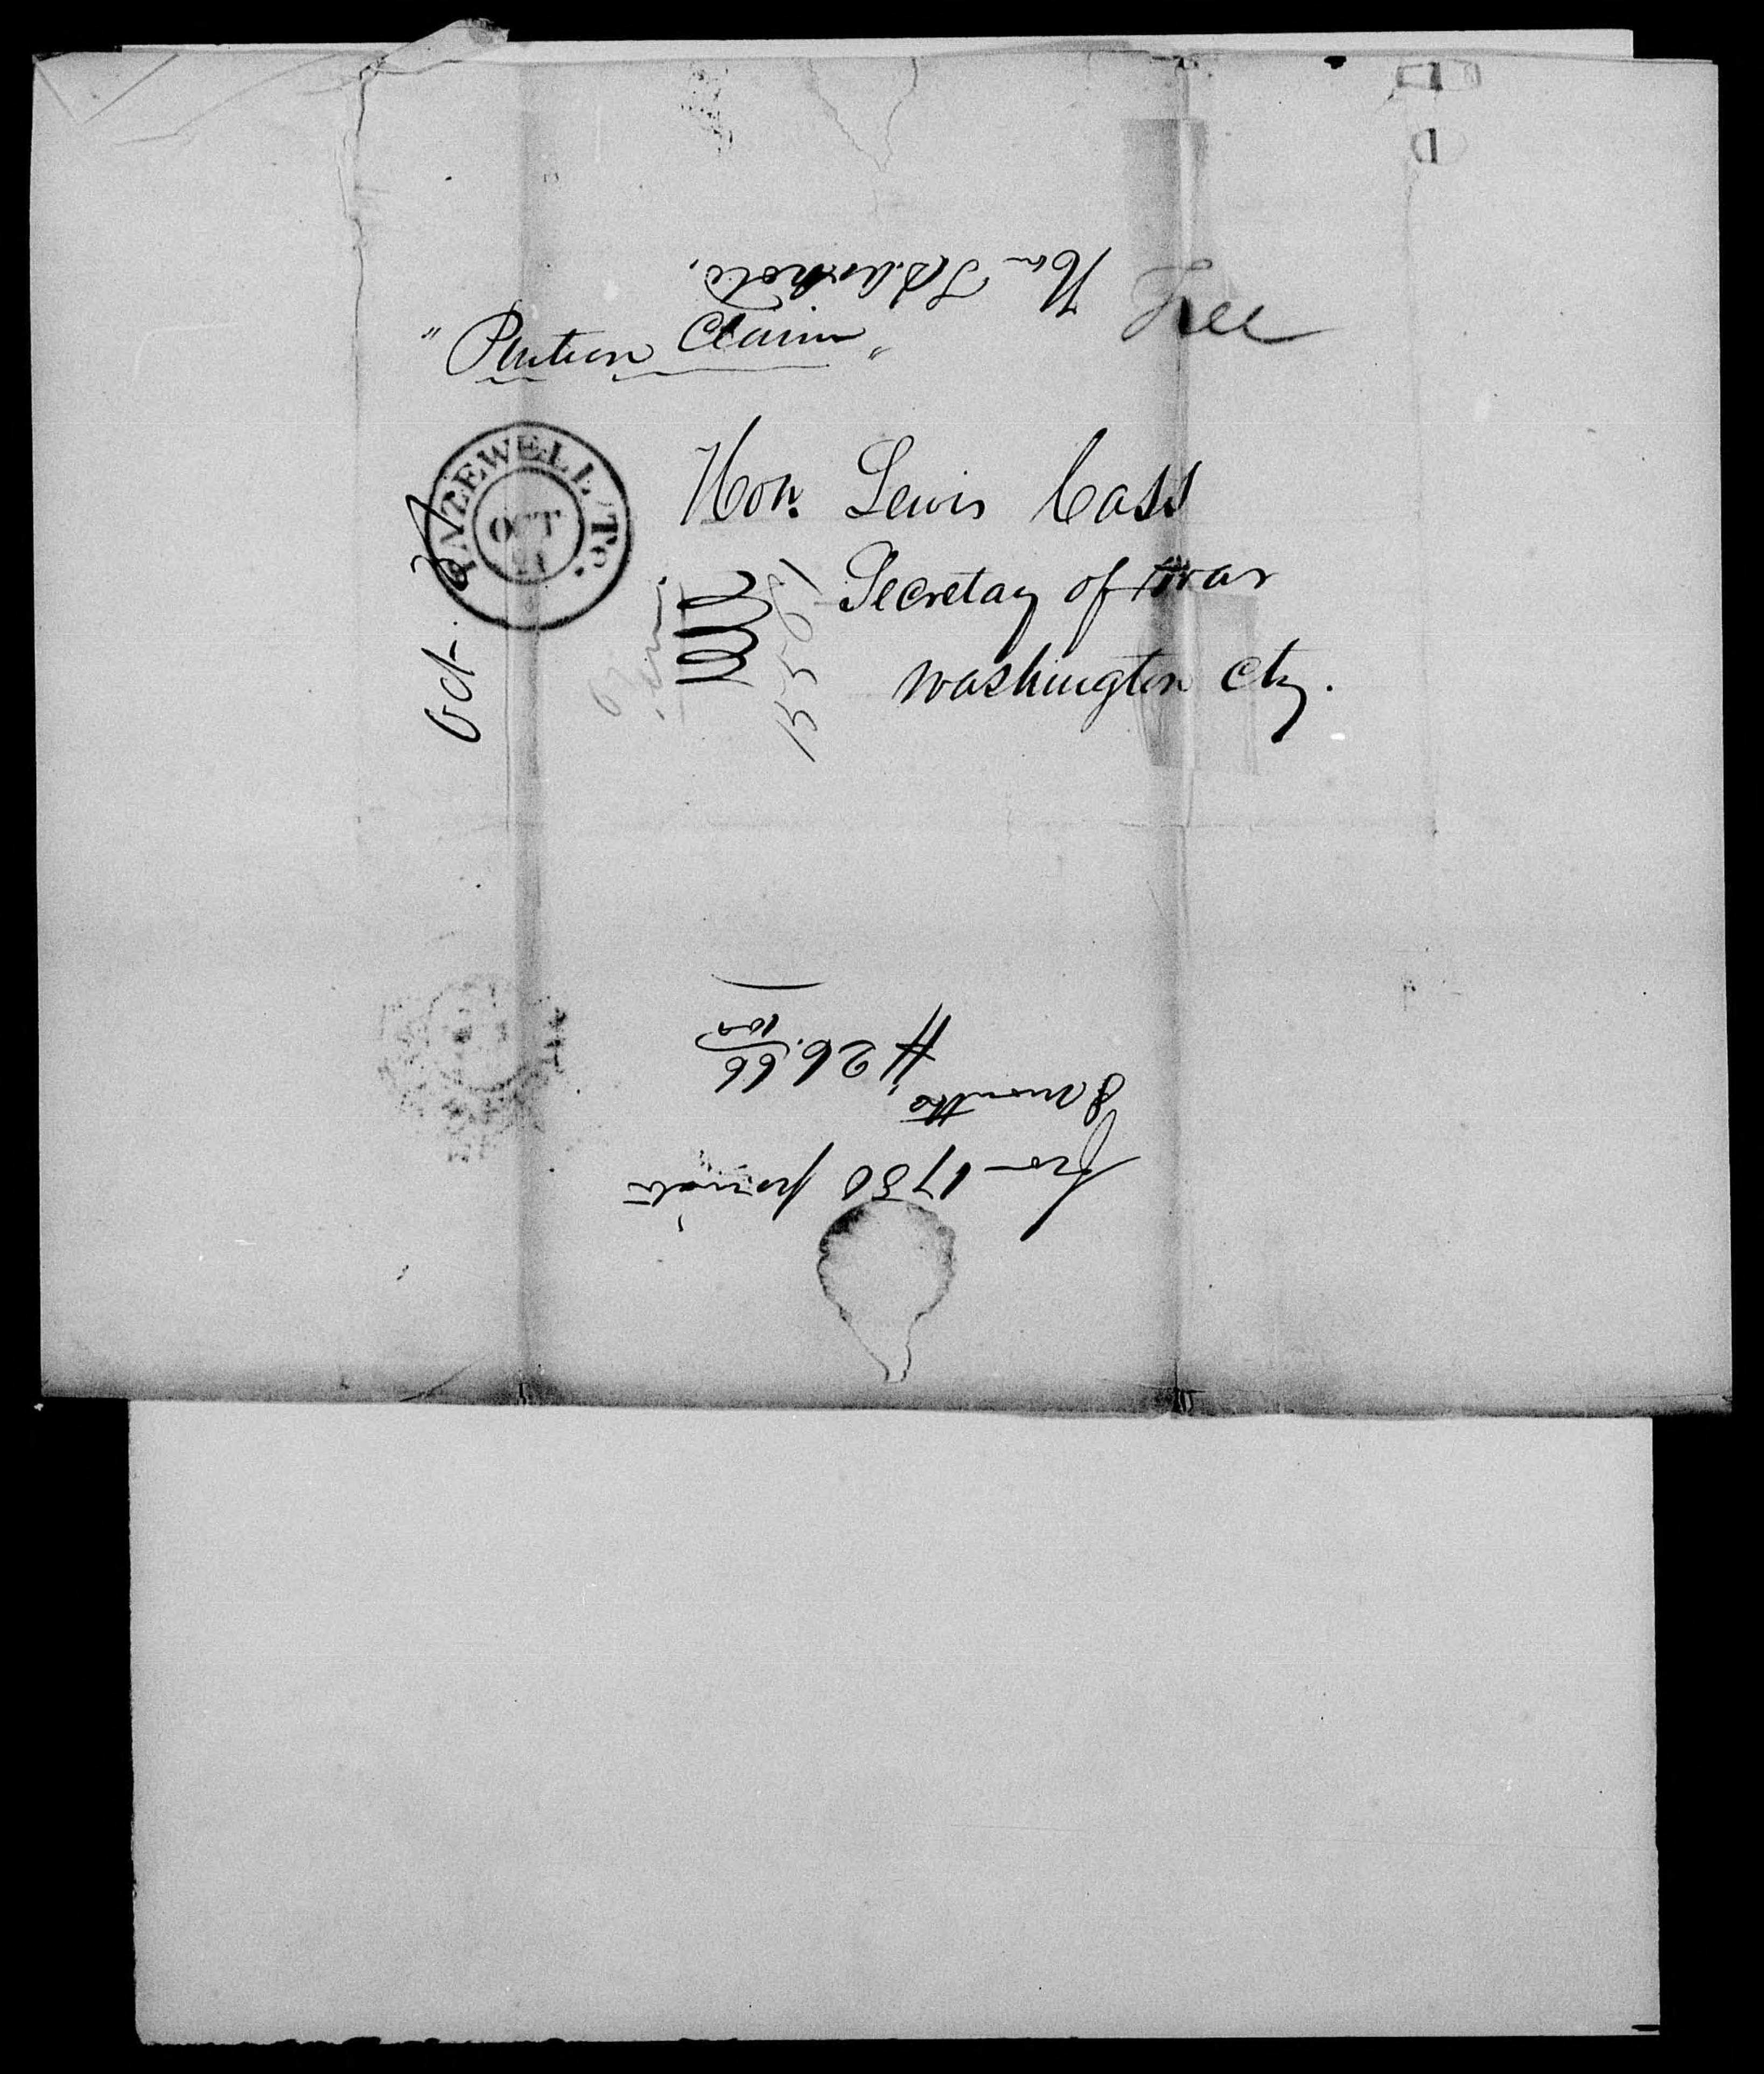Mr T. D. Arnold

"Pension Claim"

Tazewell Te.
OCT 24 

Hon. Lewis Cass
Secretary of War
Washington Cty.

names: Lewis Cass, T D Arnold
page: 31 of 81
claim: survivor's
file: S. 1908, Richard Harper, N.C.